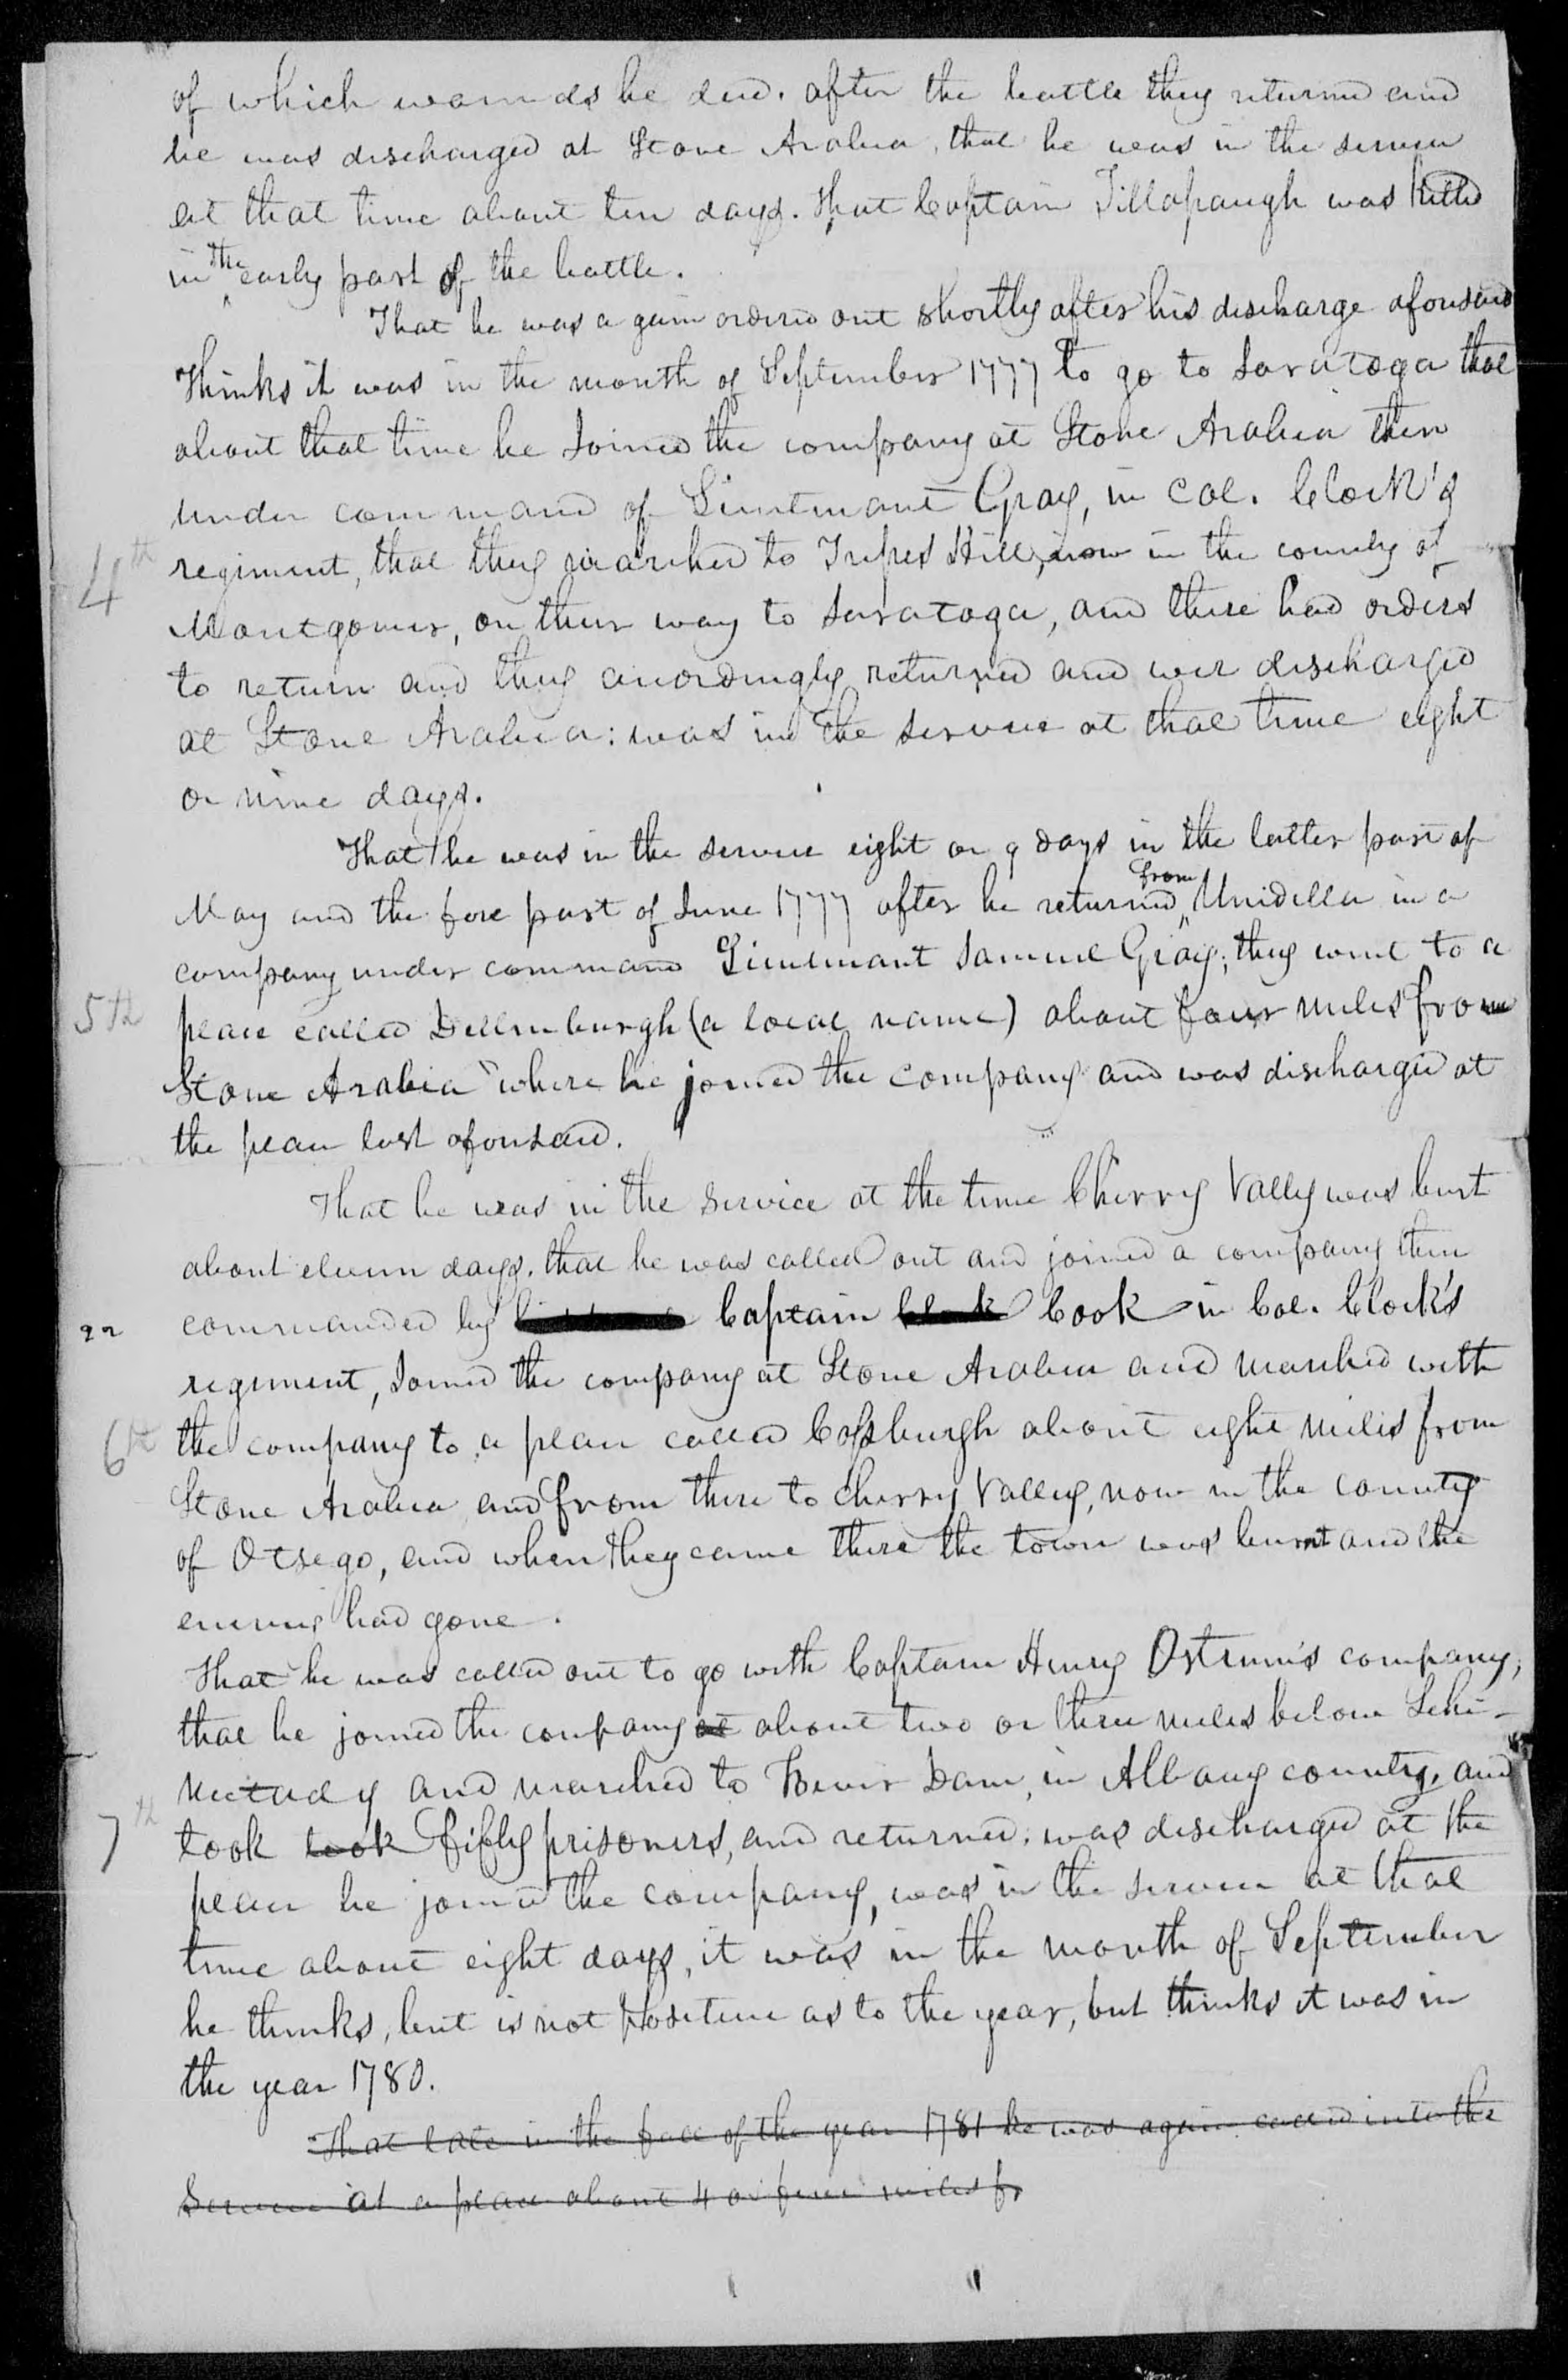of which wound he died. After the battle they returned and he was discharged at Stone Arabia, that he was in the service at that time about ten days. That Captain Tillapaugh was killed in the early part of the battle. 
That he was again ordered out shortly after his discharge afforded. Thinks it was in the month of September 1777 to go to Saratoga thoe about that time he joined the company at Stone Aralia then under command of Lieutenant Gray in Col. Clock's regiment that they marched to Tribes Hill, now in the county of Montgomery, on their way to Saratoga, and there had orders to return and they accordingly returned and were discharged at Stone Arabia: was in the service at that time eight or nine days. 
That he was in the service eight or nine days in the latter part of May and the fore part of June 1777 after he returned from Unadilla in a company under command Lieutenant Samuel Gray they went to a place called Dellanburgh (a local name) about four miles from Stone Arabia where he joined the company and was discharged at the place last aforesaid. 
That he was in the service at the time Cherry Valley was burnt about eleven days, that he was called out and joined a company there commanded by Captain Cook in Col. Clock's regiment, joined the company at Stone Arabia and marched with the company to a place called Cossburgh about eight miles from Stone Arabia, and from there to Cherry Valley, now in the county of Otsego, and when they came there the town was burnt and the enemies had gone. 
That he was called out to go with Captain Henry Ostrum's company that he joined the company about two or three miles below Schenectady and marched to Beaver Dam in Albany County and took fifty prisoners and returned, was discharged at the place he joined the company, was in the service at that time about eight days, it was in the month of September he thinks, but is not positive as to the year, but thinks it was in the year 1780.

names: Samuel Gray, Cook, Tillapaugh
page: 6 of 51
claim: survivor's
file: S. 12563, Severinus Cook, New York